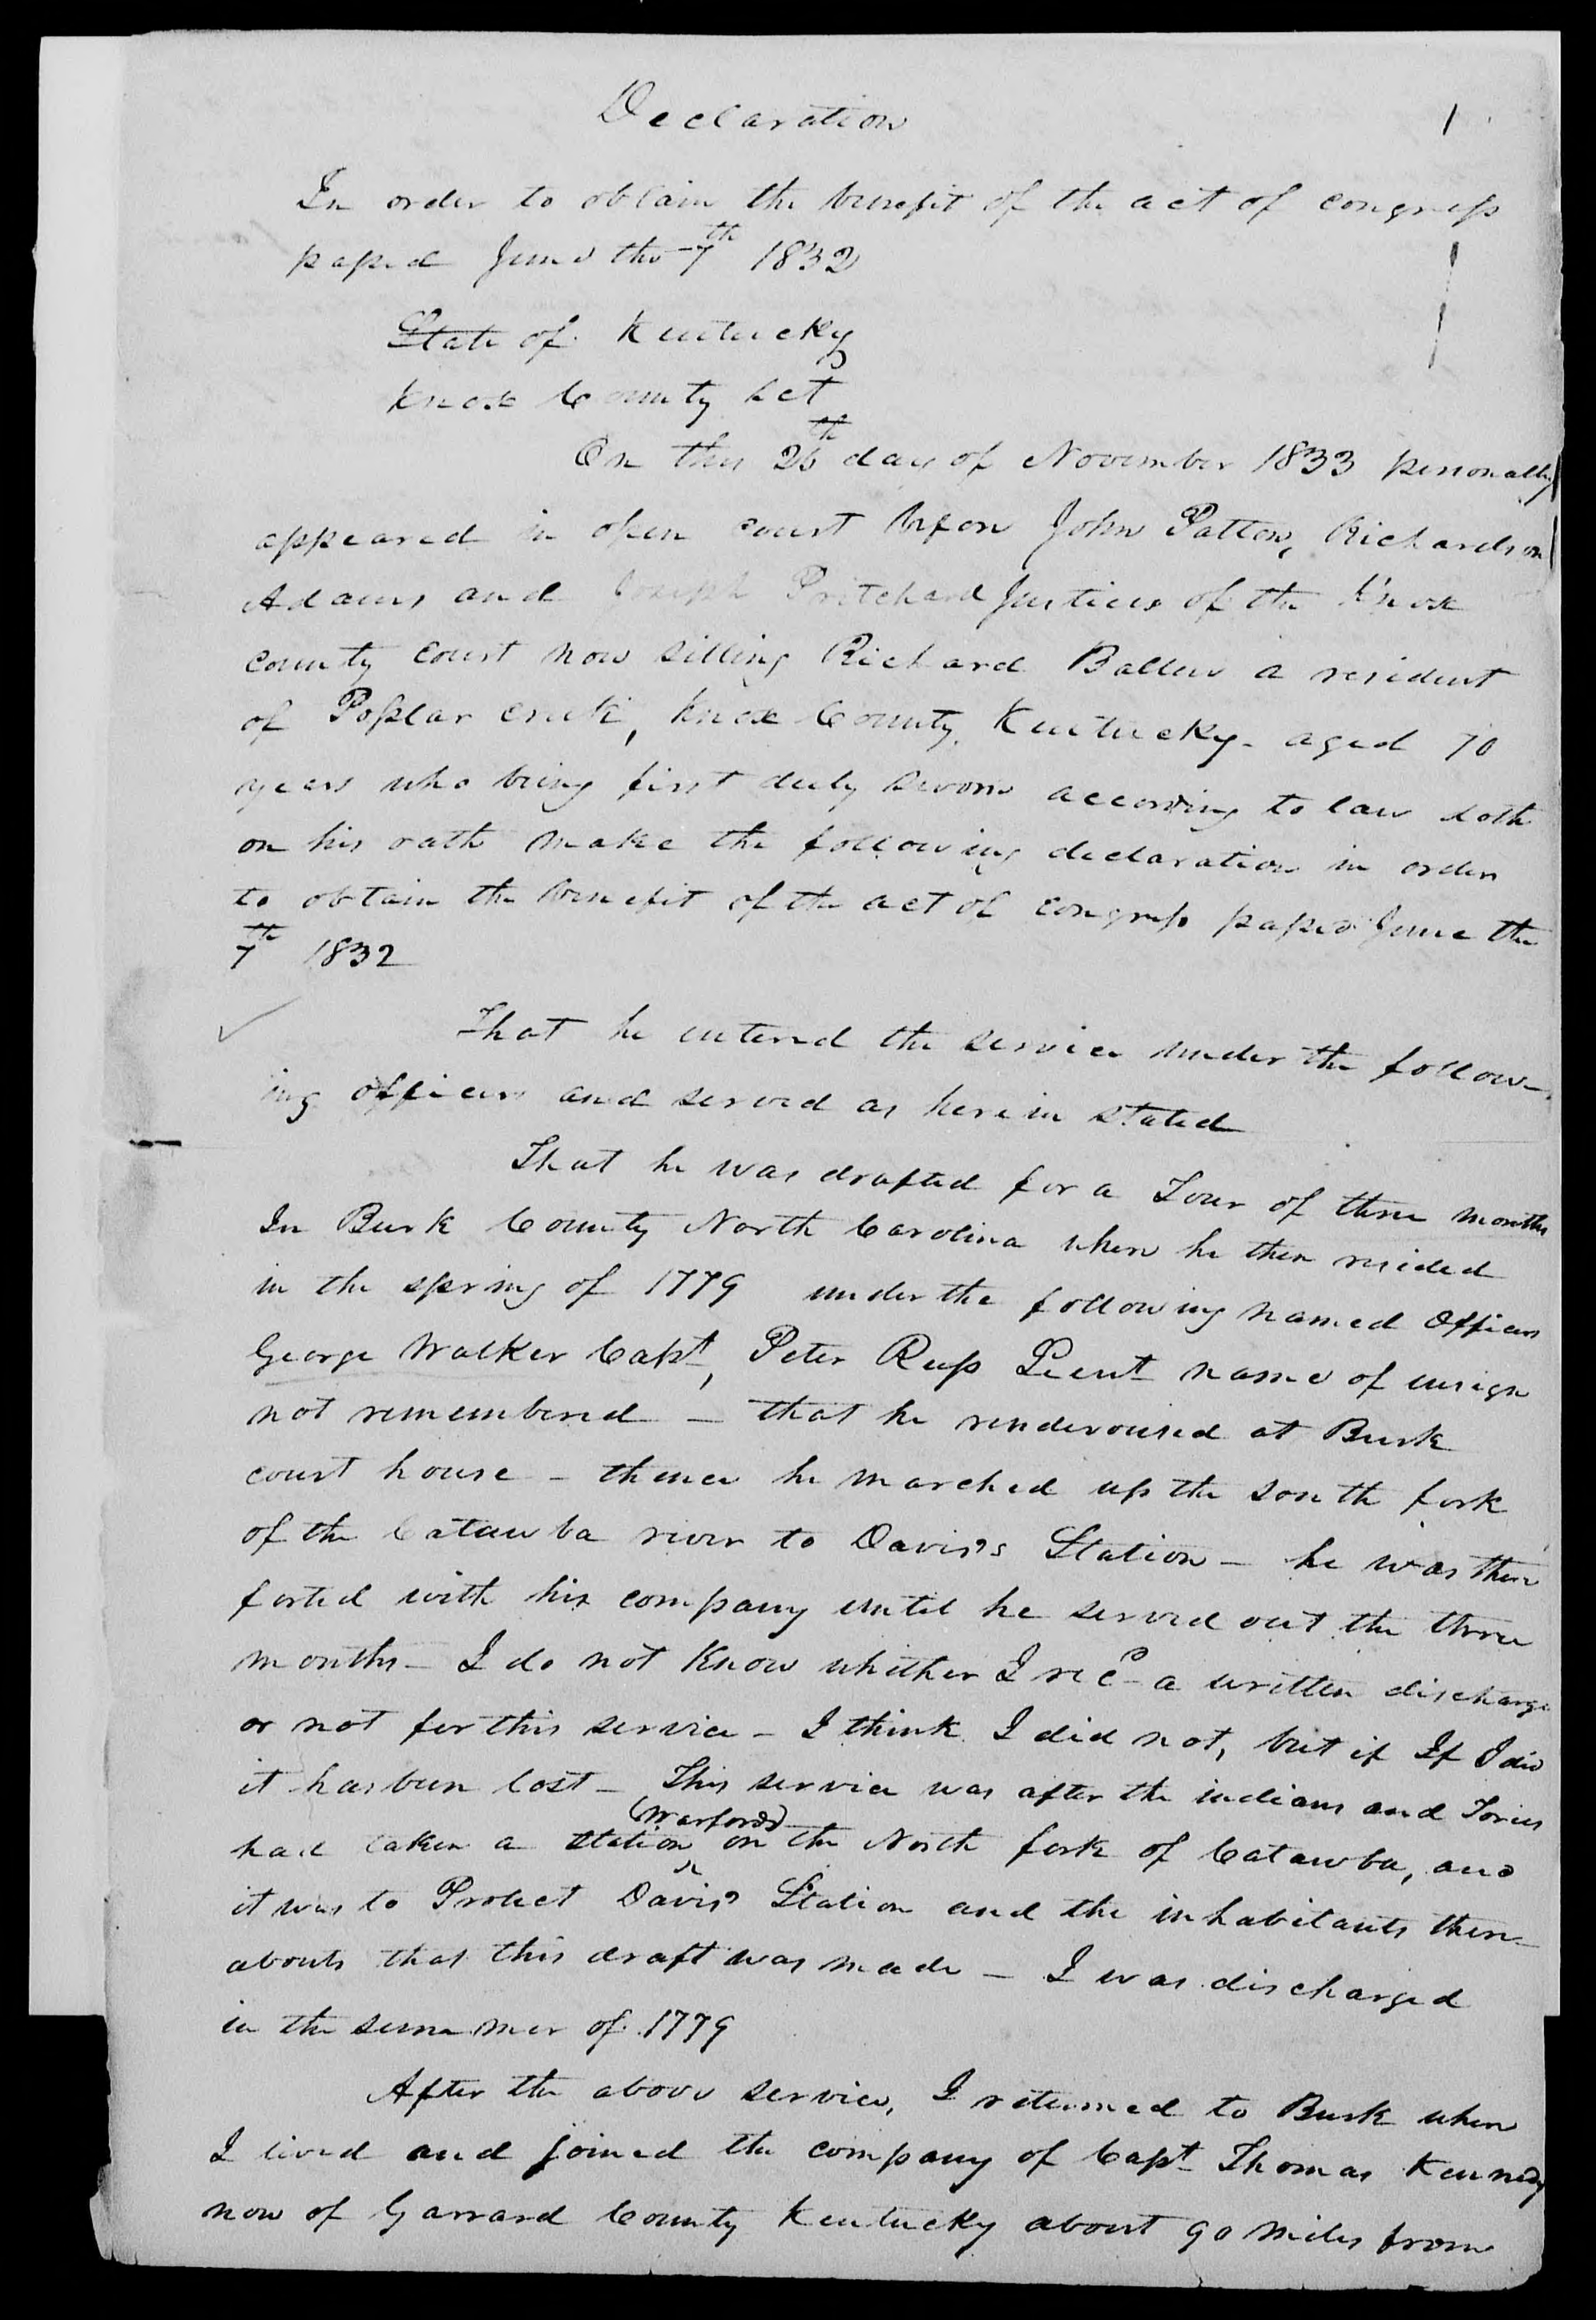Declaration

In order to obtain the benefit of the act of Congress
passed June the 7th  1832

State of Kentucky
Knox County sct
On this 26th day of November 1833 personally
appeared in open court before John Patten, Richardson
Adams and Joseph Pritchard Justices of the Knox
County Court now sitting Richard Ballen a resident
of Poplar Creek, Knox County, Kentucky, aged 70
years who being first duly sworn according to law doth
on his oath make the following declaration in order
to obtain the benefit of the act of Congress passed June the
7th 1832.
That he was drafted for a Tour of three months
In Burk County North Carolina when he then resided
in the spring of 1779 under the following named officers
George Walker Capt,. Peter Russ Lieut. name of ensign
not remembered--- that he rendezvoused at Burk
court house---thence he marched up to south fork
of the Catawba river to Davis's Station---he was then
posted with his company until he served out the three
months---I do not know whether I recd. a written discharge
or not for this service---I think I did not, but if I did
it has been lost.-- This service was after the Indians and Tories
have taken a station on the north fork of Catawba, and it
was to Protect Davis Station and the inhabitants there
abouts that this draft was made--- I was discharged
in the summer of 1779.
After the above service, I returned to Burk when
I lived and joined the company  of Capt. Thomas Kennedy
now of Garrard County Kentucky about 90 miles from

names: George Walker, Peter Russ, Joseph Pritchard, Richardson Adams, John Patton, Richard Ballew, Thomas Kenndy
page: 5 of 33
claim: survivor's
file: S. 15305, Richard Ballew, N.C.